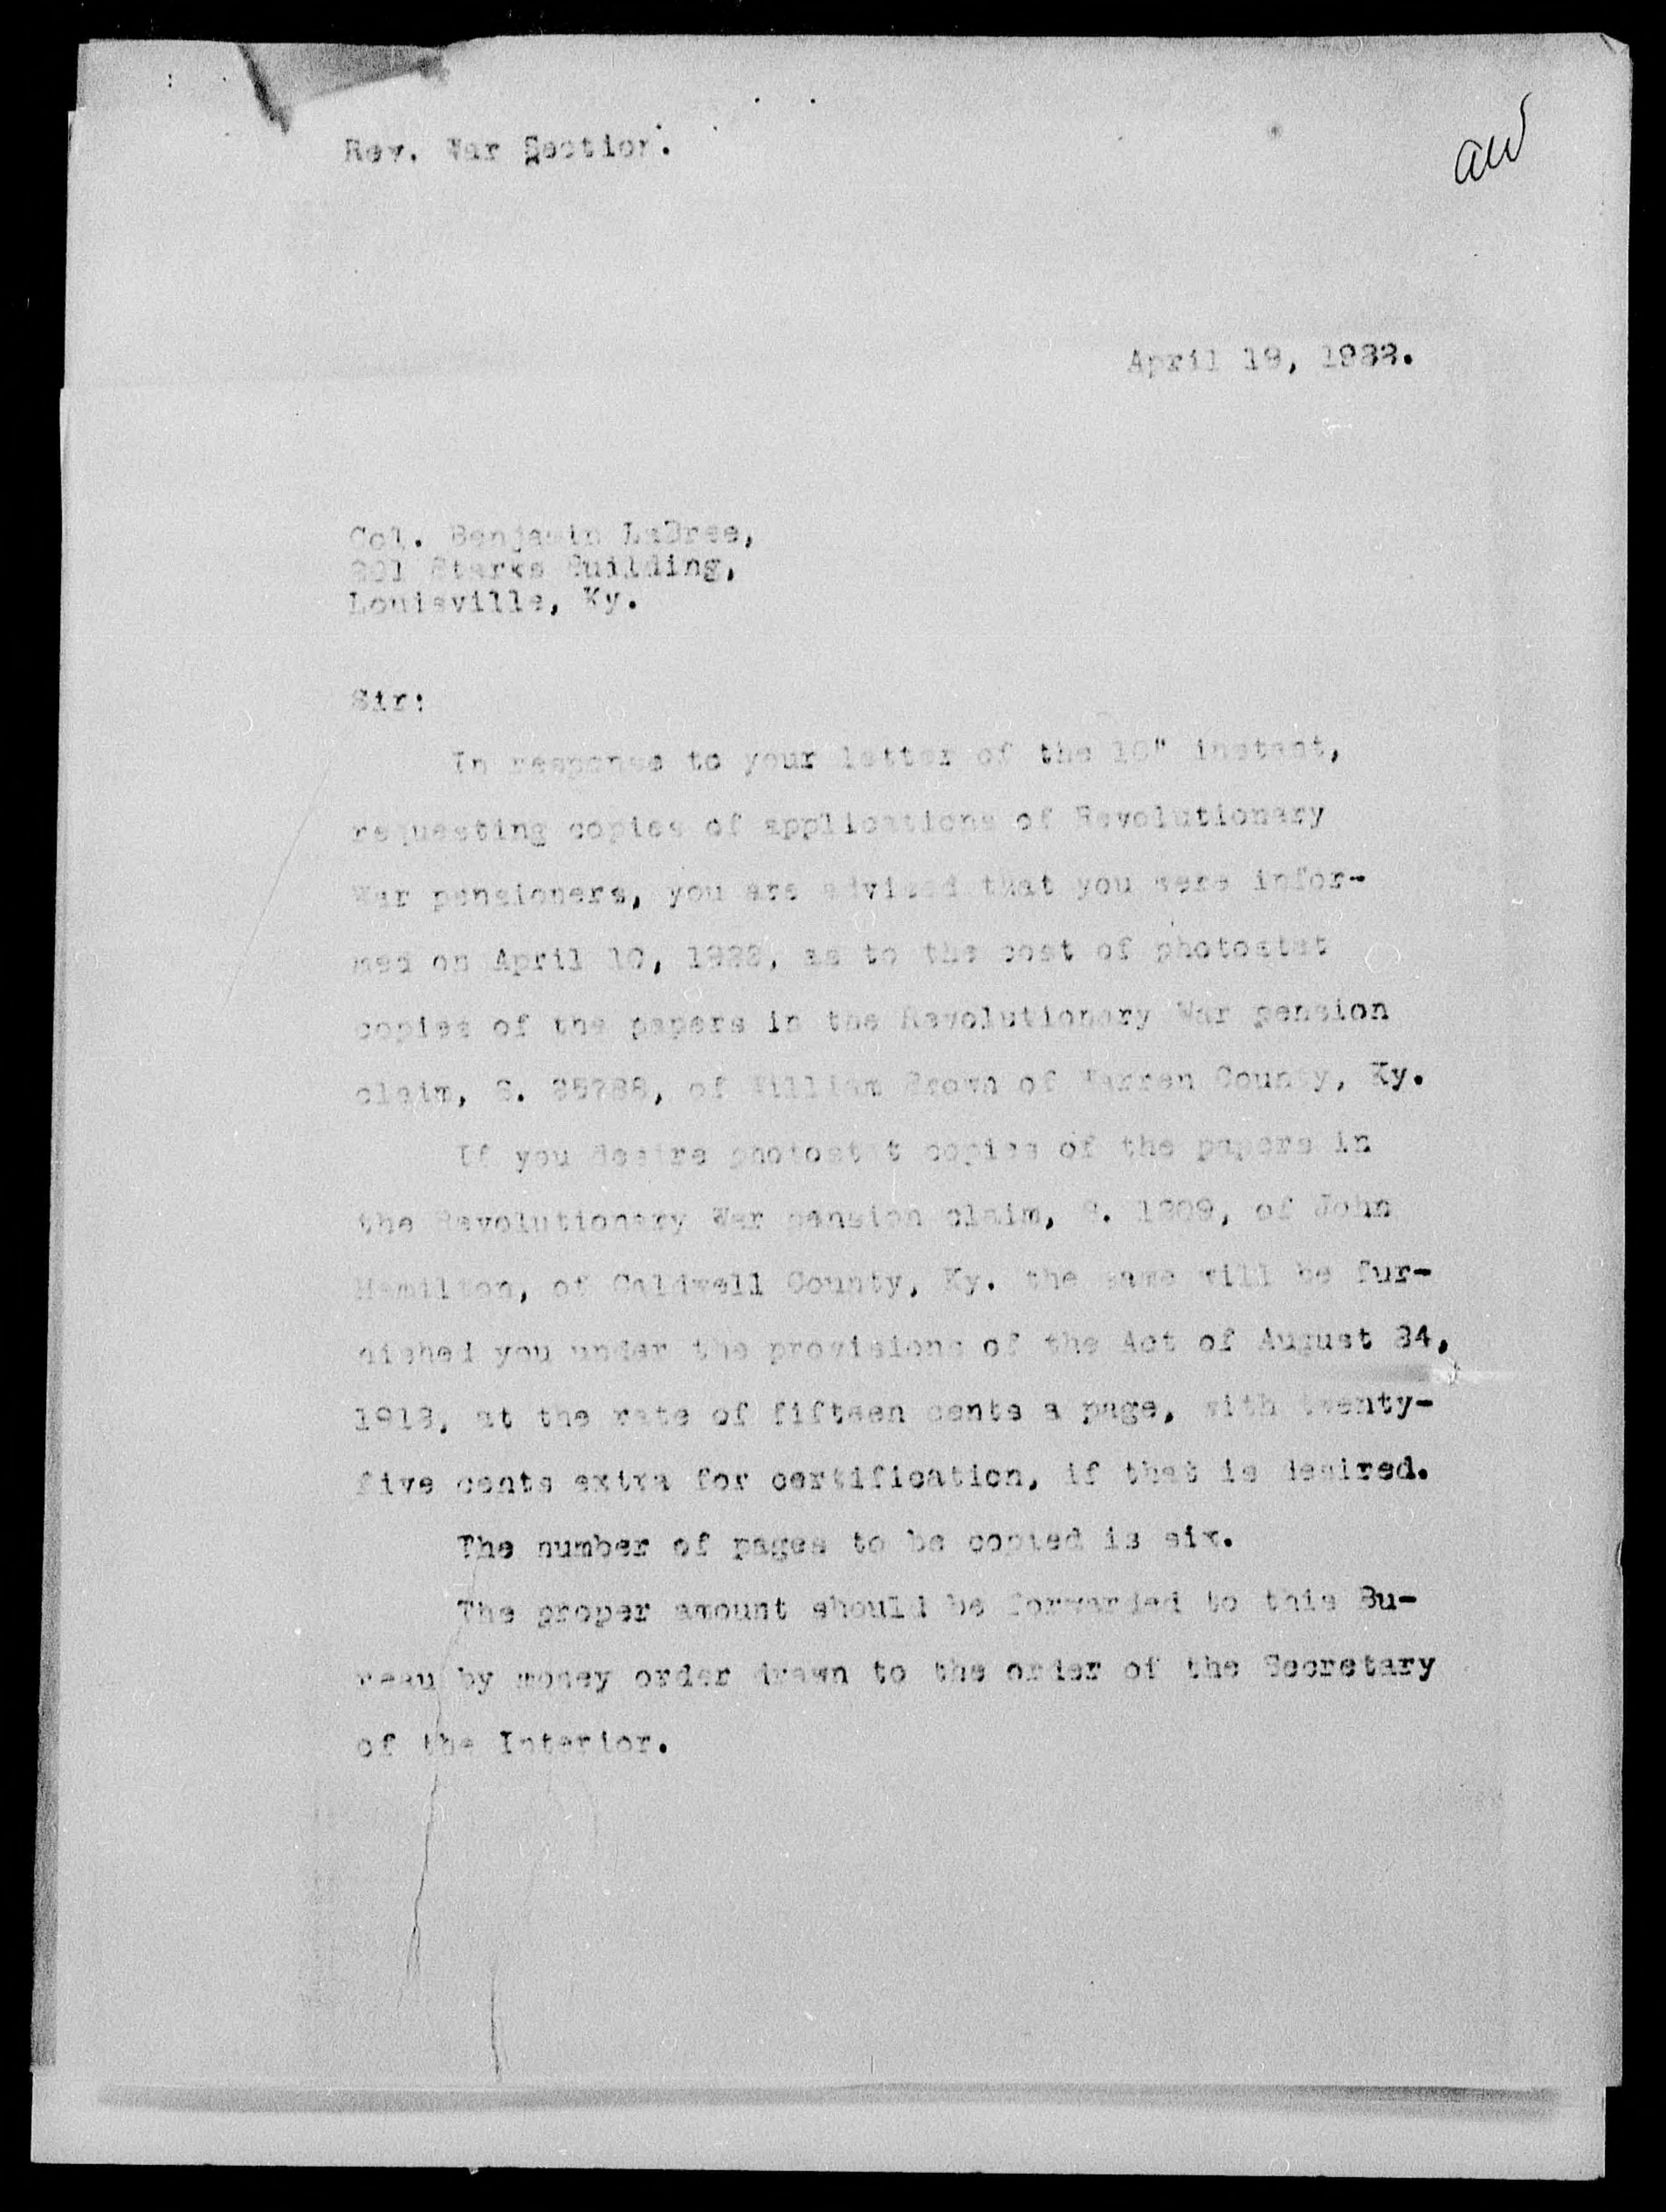AW
April 19, 1932.
Rev. War Section.
Col. Benjamin La Bree
201 Starks Building,
Louisville, Ky.

Sir:

In response to your letter of the 10" instant,
requesting copies of applications of Revolutionary War pensioners, you are advised that you were informed on April 10, 1922, as to the east of photostat copies of the papers in the Revolutionary War pension claim, S. 35728, of William Brown of Barren County, Ky.
If you desire photostat copies of the papers in
the Revolutionary War pension claim, S. 1209, of John Hamilton, of Caldwell County, Ky. the same will be furnished you under the provisions of the Act of August 24, 1918, at the rate of fifteen cents a page, with twenty-
five cents extra for certification, if that is desired.
The number of pages to be copied is six.
The proper amount should be forwarded to this Bureau by money order drawn to the order of the Secretary of the Interior.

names: John Hamilton, Benjamin La Bree, William Brown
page: 16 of 21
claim: survivor's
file: S. 35,788, William Brown, Va.